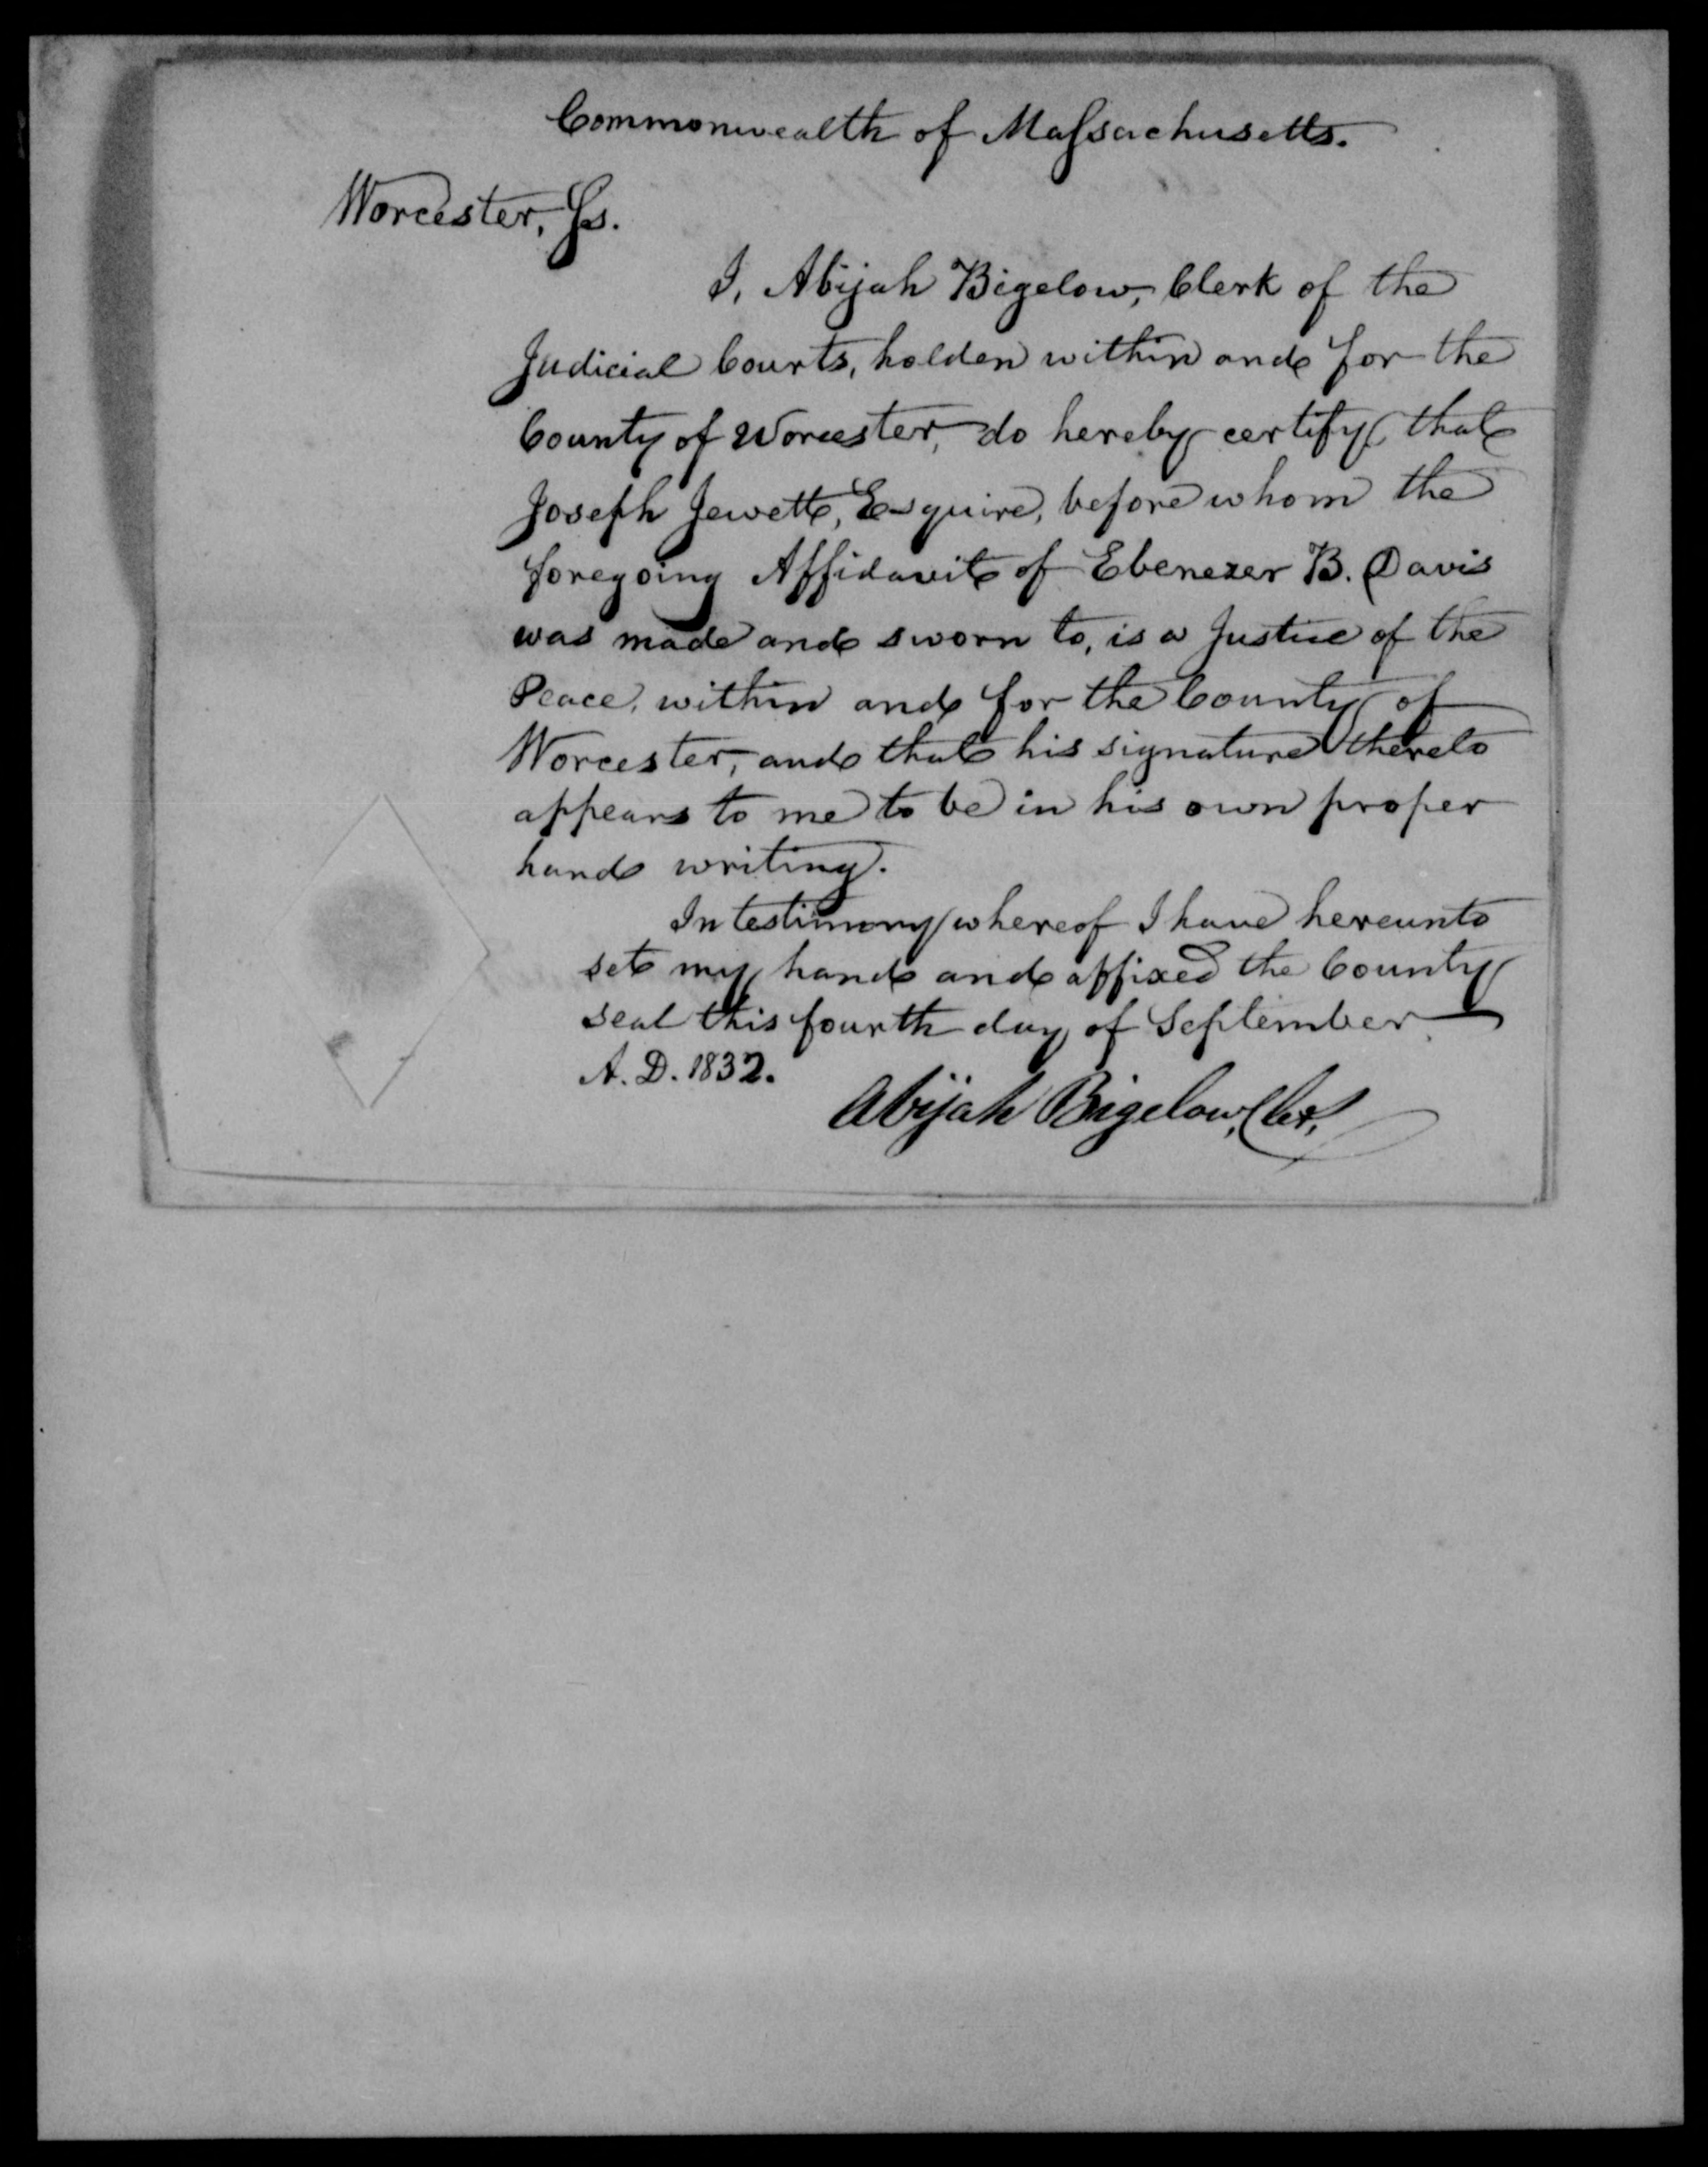Commonwealth of Massachusetts
Worcester, SS
I, Abijah Bigelow, Clerk of the Judicial Courts, holden within and for the County of Worcester, do hereby certify that Joseph Jewett Esquire, before whom the foregoing Affidavit of Ebenezer B. Davis was made and sworn to, is a Justice of the Peace within and for the County of Worcester, and that his signature thereto appears to me to be in his own proper hand writing.
(seal)

In testimony whereof I have hereunto set my hand and affixed the County seal this fourth day of September A. D. 1832.
Abijah Bigelow, Clerk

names: Ebenezer B Davis, Joseph Jewett, Abijah Bigelow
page: 42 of 66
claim: widow's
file: W. 2468, Amos Wetherbee, Mass.